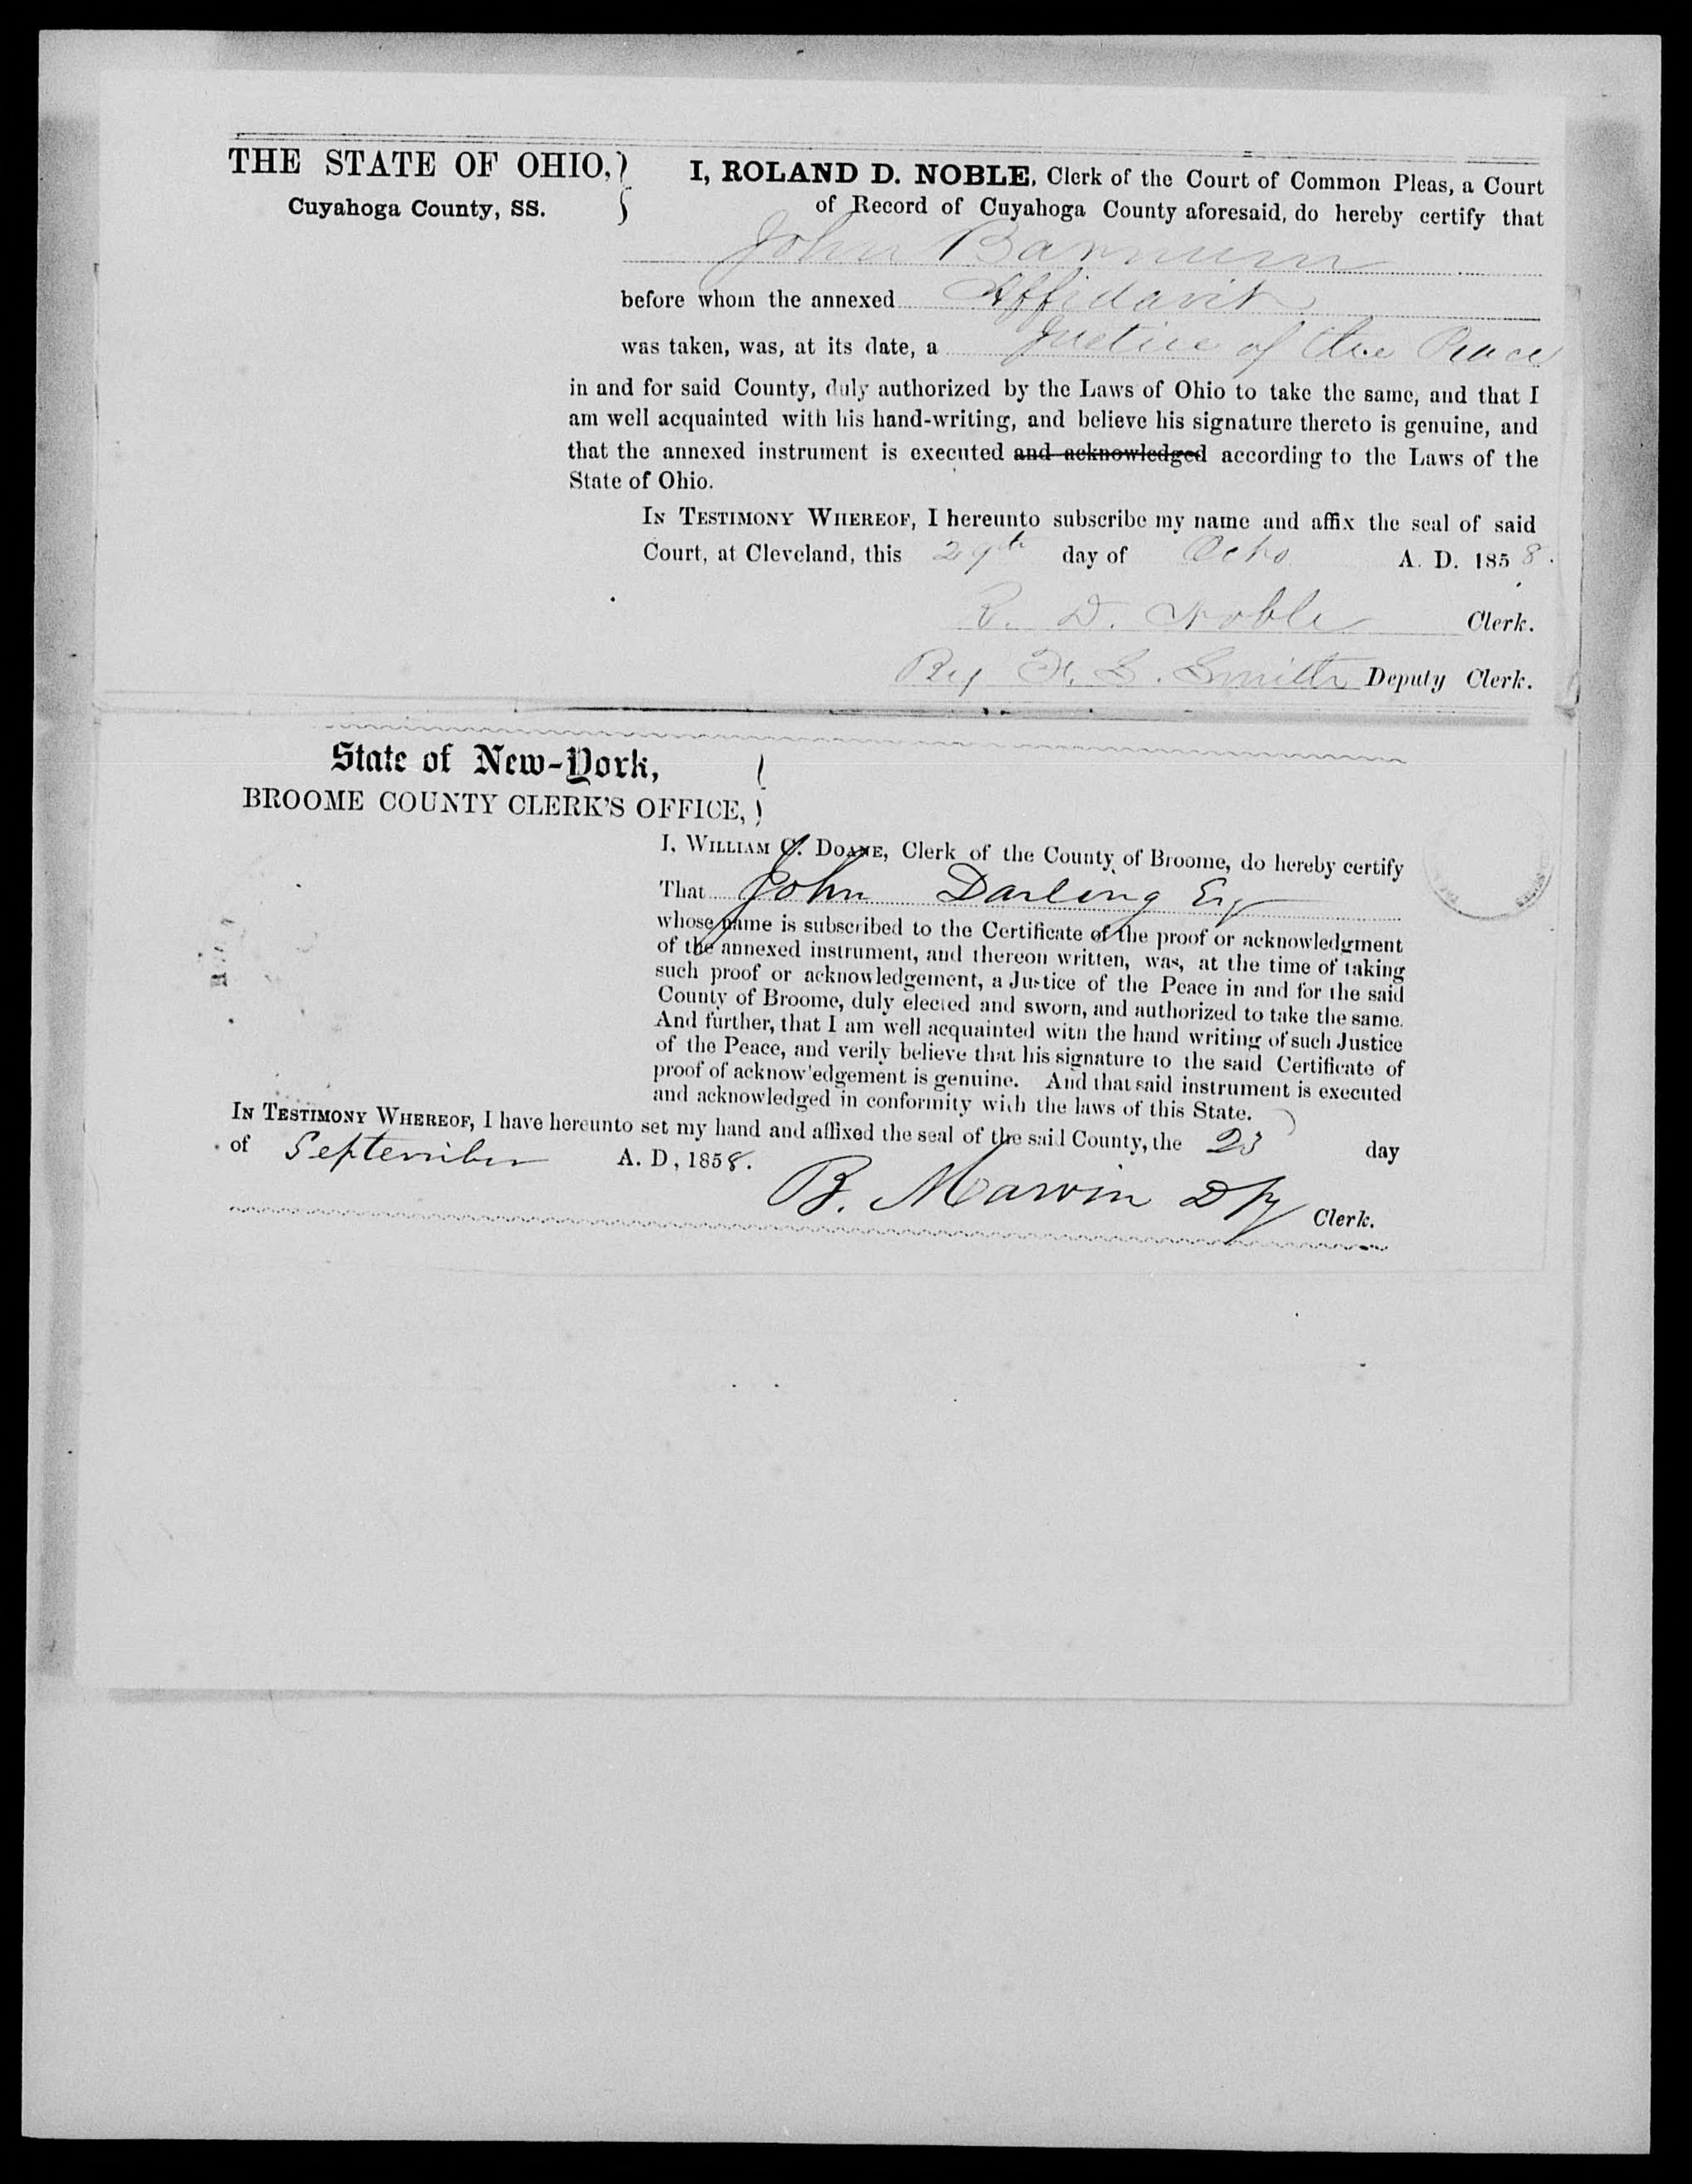THE STATE OF OHIO,
Cuyahoga County, SS.}

I, ROLAND D. NOBLE, Clerk of the Court of Common Pleas, a Court of Record of Cuyahoga County aforesaid, do hereby certify that 
John Barnum
before whom the annexed Affidavit was taken, was, at its date, a Justice of the Peace in and for said County, duly authorized by the Laws of Ohio to take the same, and that I am well acquainted with his hand-writing, and believe his signature thereto is genuine, and that the annexed instrument is executed [crossed out] and acknowledged[end crossed out] according to the Laws of the State of Ohio.

In Testimony Whereof, I hereunto subscribe my name and affix the seal of said Court, at Cleveland, this 29th day of Octo. A.D. 1858
[signed]
R.D. Noble Clerk.
By F. S. Smith Deputy Clerk.

State of New-York,
BROOME COUNTY CLERK'S OFFICE,

I, William C. Doane, Clerk of the County of Broome, do hereby certify 
That John Darling Esq
whose name is subscribed to the Certificate of the proof or acknowledgment of the annexed instrument, and thereon written, was, at the time of taking such proof or acknowledgement, a Justice of the Peace in and for the said County of Broome, duly elected and sworn, and authorized to take the same.  And further, that I am well acquainted with the hand writing of such Justice of the Peace, and verily believe that his signature to the said Certificate of proof of acknowledgement is genuine.  And that said instrument is executed and acknowledged in conformity with the laws of this State.

In Testimony Whereof, I have hereunto set my hand and affixed the seal of the said County, the 23 day of September A.D. 1858
[signed]
B. Marvin Dpy Clerk.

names: Roland D Noble; B Marvin; John Barnum; John Darling; William C Doane; F S Smith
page: 18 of 70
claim: rejected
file: R. 6510, for Israel Luce, New York